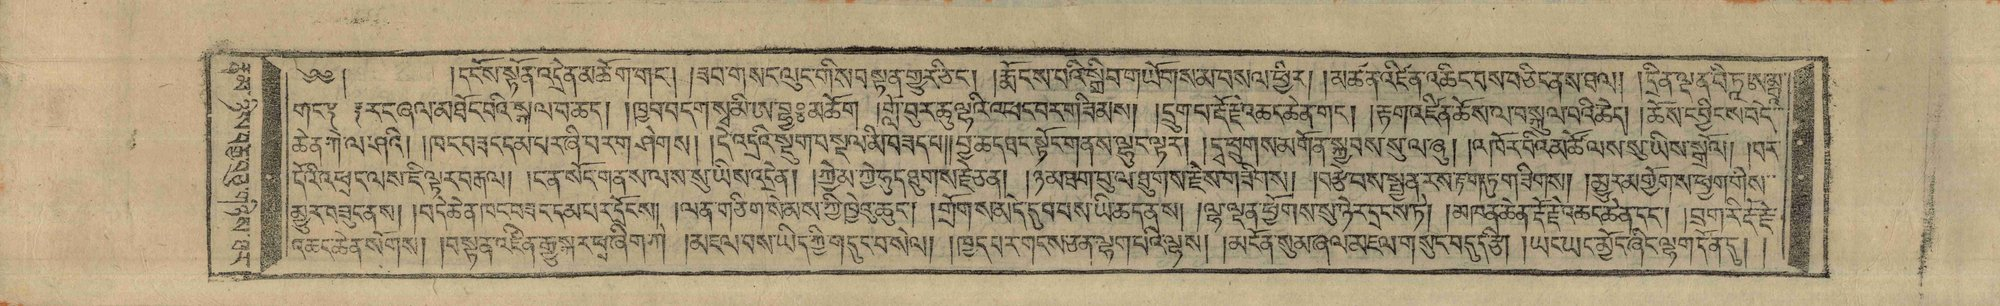༄༅། །དངོས་སྟོན་འདྲེན་མཆོག་གང་། །ཟབ་གསང་ལུང་གིས་བསྟན་གྱུར་ཅིང་། །རྨོངས་པའི་སྒྲིབ་གཡོགས་མ་བསལ་ཕྱིར། །མཚན་འཛིན་འཆིང་བས་བཅིང་ནས་ཐལ། །དྲིན་ལྡན་བི་ཏཱ་ཨམྦཱ་
གང༑ ༑རང་ཞལ་མཐོང་བའི་སྐལ་བ་ཆད། །ཁྱབ་བདག་སྭ་མི་ཨ་བྷྱཿ མཆོག །གློ་བུར་ཆུ་ལྷའི་འཕང་བར་གཟིམས། །དྲུག་པ་རྡོ་རྗེ་འཆང་ཆེན་གང་། །རྟག་འཛིན་ཆོས་ལ་བསྐུལ་བའི་ཆེད། །ཆོས་དབྱིངས་བདེ་
ཆེན་ཀེ་ལ་ཤའི། །ཁང་བཟང་དམ་པར་ཞི་བར་གཤེགས། །དེ་འདྲའི་སྡུག་བསྔལ་མི་བཟད་པ། །བྱ་ཆད་ཐང་སྟོང་གནས་ལྷུང་ལྟར། །དྭ་ཕྲུགས་མགོན་སྐྱབས་སུ་ལ་ཞུ། །འཁོར་བའི་མཚོ་ལས་སུ་ཡིས་སྒྲོལ། །བར་
དོའི་འཕྲང་ལས་ཇི་ལྟར་བརྒལ། །ངན་སོང་གནས་ལས་སུ་ཡིས་འདྲེན། །ཀྱེ་མ་ཀྱེ་ཧུད་ཐུགས་རྗེ་ཅན། །ཉམ་ཐག་བུ་ལ་ཐུགས་རྗེས་གཟིགས། །བརྩེ་བས་སྤྱན་རས་རྟག་ཏུ་གཟིགས། །མྱུར་མགྱོགས་ཕྱག་གིས་
མྱུར་བཟུང་ནས། །བདེ་ཆེན་ཁང་བཟང་དམ་པར་དྲོངས། །ལན་གཅིག་སེམས་ཀྱི་ཁྱེའུ་ཆུང་། །གྲོགས་མེད་དུབ་པས་ཡི་ཆད་ནས། །ལྷ་ལྡན་ཕྱོགས་སུ་ཉེར་དྲངས་ཏེ། །མཁན་ཆེན་རྡོ་རྗེ་འཆང་ཆེན་དང་། །བྲག་རི་རྡོ་རྗེ་
འཆང་ཆེན་སོགས། །བསྟན་འཛིན་རྒྱུ་སྐར་ཕྲ་ཞིག་ཀེ །མཇལ་བས་ཡིད་ཀྱི་གདུང་བ་སེལ། །ཁྱད་པར་གངས་ཅན་ལྷག་པའི་ལྷས། །མངོན་སུམ་ཞལ་མཇལ་གསུང་བདུད་རྩི། །ཡང་ཡང་མྱོང་ཞིང་ལྷག་དོན་དུ། །